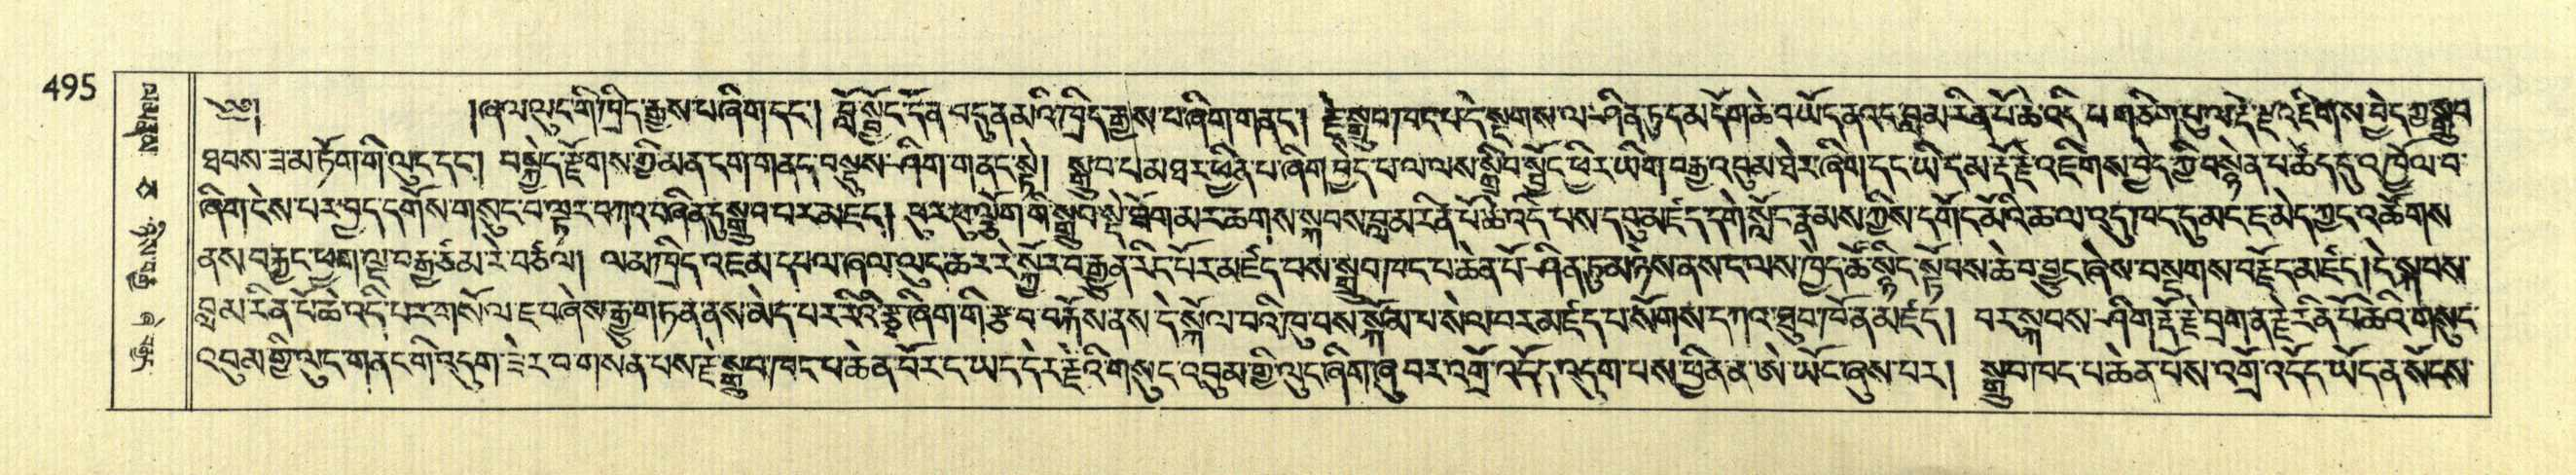༄༅། །ཞལ་ལུང་གི་ཁྲིད་རྒྱས་པ་ཞིག་དང་། བློ་སྦྱོང་དོན་བདུན་མའི་ཁྲིད་རྒྱས་པ་ཞིག་གནང་། རྗེ་སྒྲུབ་ཁང་པ་དེ་སྔགས་ལ་ཤིན་ཏུ་དམ་དོག་ཆེ་བ་ཡོད་ནའང་བླ་མ་རིན་པོ་ཆེ་འདི་པ་གཅིག་པུ་ལ་རྡོ་རྗེ་འཇིགས་བྱེད་ཀྱ་སྒྲུབ་
ཐབས་ཟ་མ་ཏོག་གི་ལུང་དང་། བསྐྱེད་རྫོགས་གྱི་མན་ངག་གནད་བསྡུས་ཤིག་གནང་སྟེ། སྒྲུབ་པ་མཐར་ཕྱིན་པ་ཞིག་བྱེད་པ་ལ་ལས་སྒྲིབ་སྦྱོང་ཕྱིར་ཡིག་བརྒྱ་འབུམ་ཐེར་ཞིག་དང་ཡི་དམ་རྡོ་རྗེ་འཇིགས་བྱེད་ཀྱི་བསྙེན་པ་ཚེད་དུ་འཁྱོལ་བ་
ཞིག་ངེས་པར་བྱད་དགོས་གསུང་བ་ལྟར་བཀའ་བཞིན་དུ་སྒྲུབ་པར་མཛད། ཕུར་བུ་ལྕོག་གི་སྒྲུབ་སྡེ་ཐོག་མར་ཆགས་སྐབས་བླ་མ་རིན་པོ་ཆེ་འདི་པས་དབུ་མཛད་དགེ་སློང་རྣམས་ཀྱིས་དགོང་མོའི་ཆ་ལ་འདུ་ཁང་དུ་མང་ཇ་མེད་ཀྱང་འཚོགས་
ནས་བརྐྱང་ཕྱག་ལྔ་བརྒྱ་ཙམ་རེ་བཙལ། ལམ་ཁྲིད་འཇམ་དཔལ་ཞལ་ལུད་ཆར་རེ་སྐྱོར་བ་རྒྱུན་རིང་པོར་མཛད་པས་སྒྲུབ་ཁང་པ་ཆེན་པོ་ཤིན་ཏུ་མཉེས་ནས་ང་ལས་ཁྱེད་ཚོ་སྙིང་སྟོབས་ཆེ་བ་བྱུང་ཞེས་བསྔགས་བརྗོད་མཛད། དེ་སྐབས་
བླ་མ་རིན་པོ་ཆེ་འདི་པར་གསོལ་ཇ་བཞེས་རྒྱུ་གཏན་ནས་མེད་པར་རིའི་རྩྭ་ཞིག་གི་རྩ་བ་བརྐོས་ནས་དེ་སྐོལ་བའི་ཁུ་བས་སྐོམ་པ་སེལ་བར་མཛད་པ་སོགས་དཀའ་ཐུབ་ཁོ་ན་མཛད། བར་སྐབས་ཤིག་རྡོ་རྗེ་བྲག་ན་རྗེ་རིན་པོ་ཆེའི་གསུང་
འབུམ་གྱི་ལུང་གནང་གི་འདུག་ཟེར་བ་གསན་པས་རྗེ་སྒྲུབ་ཁང་པ་ཆེན་བོར་ང་ཡང་དེར་རྗེའི་གསུང་འབུམ་གྱི་ལུང་ཞིག་ཞུ་བར་འགྲོ་འདོད་འདུག་པས་ཕྱིན་ན་ཨེ་ཡོང་ཞུས་པར། སྒྲུབ་ཁང་པ་ཆེན་པོས་འགྲོ་འདོད་ཡོད་ན་སོངས་